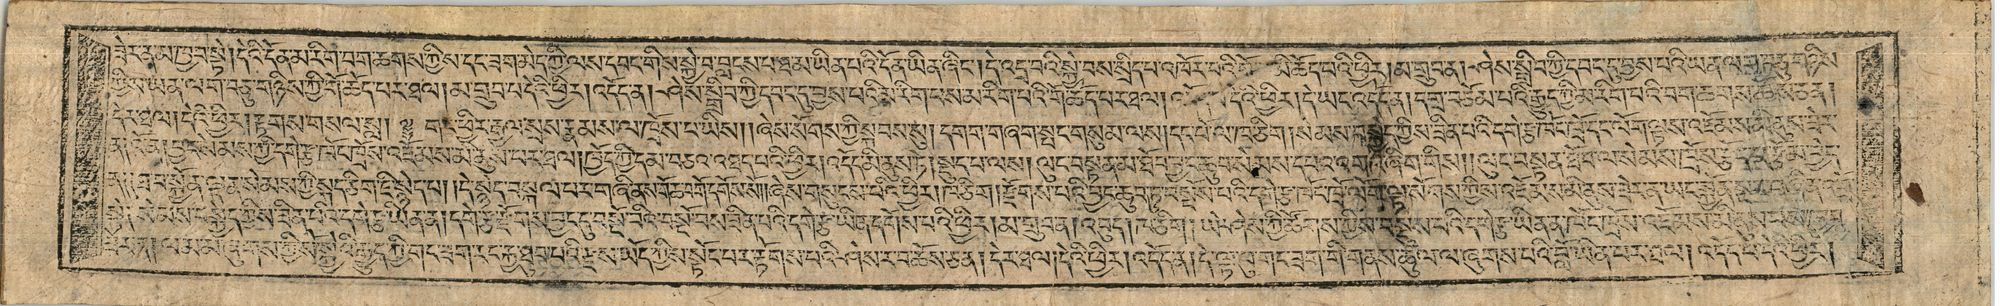ཟེར་ན་མ་ཁྱབ་སྟེ། དེའི་དོན་མ་རིག་བག་ཆགས་ཀྱིས་དང་ཟག་མེད་ཀྱི་ལས་དབང་གིས་སྐྱེ་བ་བླངས་པ་ཐ་མ་ཡིན་པའི་དོན་ཡིན་ཞིང་། དེ་འདྲ་བའི་སྐྱབས་སྲིད་པ་འཁོར་བའི་གོ་མི་ཆོད་པའི་ཕྱིར། མ་གྲུབ་ན། ཤེས་སྒྲིབ་ཀྱི་དབང་དུ་བྱས་པའི་ཡན་ལག་བཅུ་གཉིས་
ཀྱིས་ཡན་ལག་བཅུ་གཉིས་ཀྱི་གོ་ཆོད་པར་ཐལ། མ་གྲུབ་པ་དེའི་ཕྱིར། འདོད་ན། ཤེས་སྒྲིབ་ཀྱི་དབང་དུ་བྱས་པའི་མ་རིག་པས་མ་རིག་པའི་གོ་ཆོད་པར་ཐལ། འདོད་པ་དེའི་ཕྱིར། དེ་ཡང་འདོད་ན། དགྲ་བཅོམ་པའི་རྒྱུད་ཀྱི་མ་རིག་པའི་བག་ཆགས་ཆོས་ཅན།
དེར་ཐལ། དེའི་ཕྱིར། རྟགས་གསལ་སླ། ༈ གང་ཕྱིར་རྒྱལ་སྲས་རྣམས་ལ་ཁྲོས་བ་ཡིས། །ཞེས་སོགས་ཀྱི་སྐབས་སུ། དགག་གཞག་སྤང་གསུམ་ལས། དང་པོ་ལ་ཁ་ཅིག ། སེམས་བསྐྱེད་ཀྱིས་ཟིན་པའི་དགེ་རྩ་ཁོང་ཁྲོ་དང་ལོག་ལྟས་འཇོམས་མི་ནུས་ཟེར་
ན༑ འོ་ན། བྱང་སེམས་ཀྱི་དགེ་རྩ་ཁོང་ཁྲོས་འཇོམས་མི་ནུས་པར་ཐལ། ཁྱོད་ཀྱི་དམ་བཅའ་འཐད་པའི་ཕྱིར། འདོད་མི་ནུས་ཏེ། སྡུད་པ་ལས། ལུང་བསྟན་མ་ཐོབ་བྱང་ཆུབ་སེམས་དཔའ་འགའ་ཞིག་གིས། །ལུང་བསྟན་ཐོབ་ལ་སེམས་ཁྲོས་རྩོད་པ་རྩོམ་བྱེད་
ན༑ ༑ཐབསྐྱོན་ལྡན་སེམས་ཀྱི་སྐད་ཅིག་ཇི་སྙེད་པ། །དེ་སྙེད་བསྐལ་བར་གཞི་ནས་གོ་ཆ་བགོ་དགོས་སོ། །ཞེས་གསུངས་པའི་ཕྱིར། ཁ་ཅིག ། རྫོགས་པའི་བྱང་ཆུབ་ཏུ་བསྔོས་པའི་དགེ་རྩ་ཁོང་ཁྲོ་ལོག་ལྟ་སོགས་ཀྱིས་འཇོམས་མི་ནུས་ཟེར་ན་ཡང་སྐྱོན་སྔར་བཞིན་འགྲོ་
སྟེ༑ སེམས་བསྐྱེད་ཀྱིས་ཟིན་པའི་དགེ་རྩ་ཡིན་ན། དགེ་རྩ་རྫོགས་བྱང་དུ་བསྔོ་བའི་བསྔོ་བས་ཟིན་པའི་དགེ་རྩ་ཡིན་དགོས་པའི་ཕྱིར། མ་གྲུབ་ན། འབུད། ཁ་ཅིག ། ཡེ་ཤེས་ཀྱི་ཚོགས་ཀྱིས་བསྡུས་པའི་དགེ་རྩ་ཡིན་ན་ཁོང་ཁྲོས་འཇོམས་མི་ནུས་པས་ཁྱབ་
ཟེར་ན། ལམ་མ་ཞུགས་ཀྱི་སོ་སྐྱེའི་རྒྱུད་ཀྱི་གང་ཟག་རང་རྐྱ་ཐུབ་པའི་རྫས་ཡོད་ཀྱིས་སྟོང་པར་རྟོགས་པའི་ཤེས་རབ་ཆོས་ཅན། དེར་ཐལ། དེའི་ཕྱིར། འདོད་ན། དེ་ལྟ་བུ་གང་ཟག་གི་གནས་ཚུལ་ལ་ཞུགས་པའི་བློ་ཡིན་པར་ཐལ། འདོད་པ་དེའི་ཕྱིར།